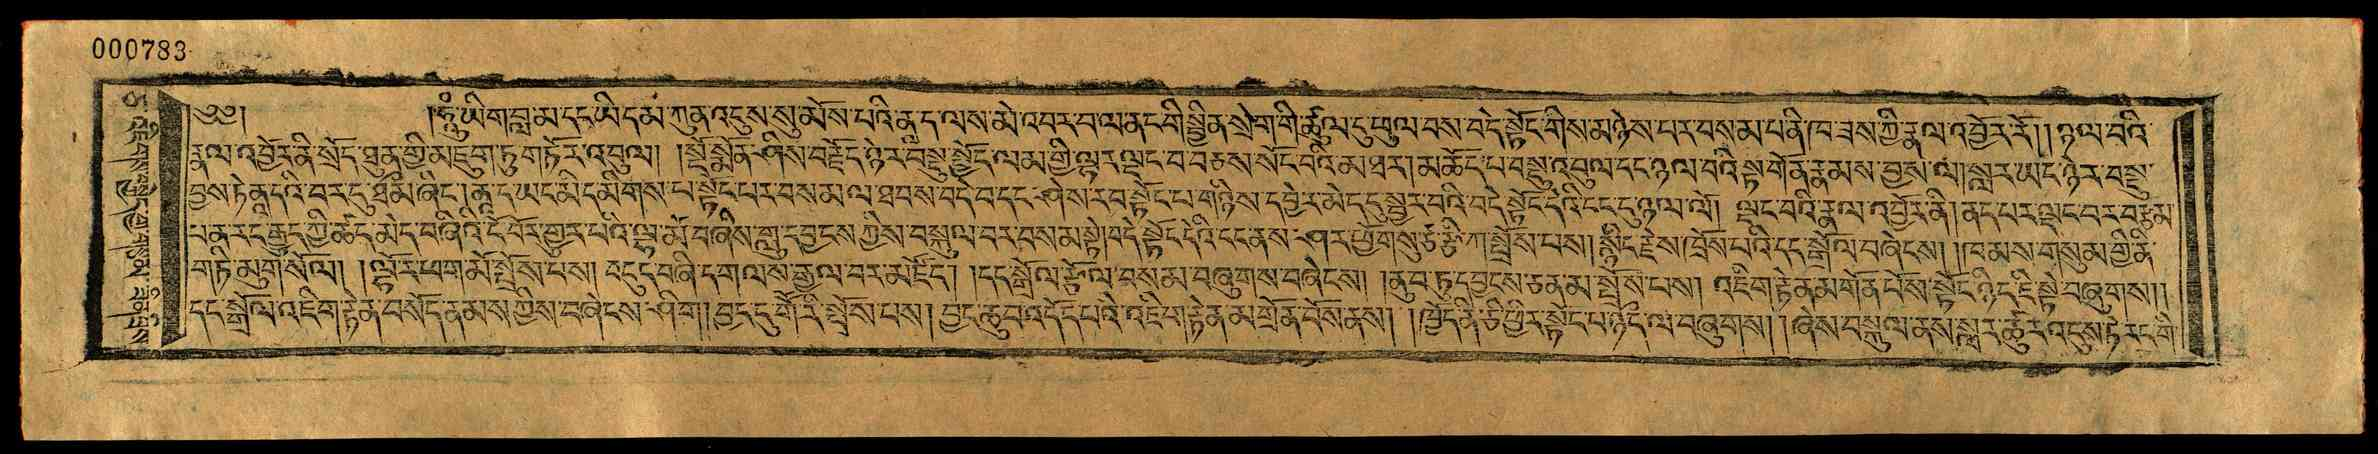༄༅། །ཧཱུཾ་ཡིག་བླ་མ་དང་ཡི་དམ་ཀུན་འདུས་སུ་མོས་པའི་ནཱ་ད་ལས་མེ་འབར་བ་ལ་ནང་གི་སྦྱིན་སྲེག་གི་ཚུལ་དུ་ཕུལ་བས་བདེ་སྟོང་གིས་མཉེས་པར་བསམ་པ་ནི་ཁ་ཟས་ཀྱི་རྣལ་འབྱོར་རོ། །ཉལ་བའི་
རྣལ་འབྱོར་ནི་སྲོད་ཐུན་གྱི་མཇུག་ཏུ་གཏོར་འབུལ། བསྔོ་སྨོན་ཤིས་བརྗོད་ཉེར་བསྡུ་སྤྱོད་ལམ་གྱི་ལྷར་ལྡང་བ་བཅས་སོང་བའི་མཐར། མཆོད་པ་བསྡུ་འབུལ་དང་ཉལ་བའི་སྟ་གོན་རྣམས་བྱས་ལ། སླར་ཡང་ཉེར་བསྡུ་
བྱས་ཏེ་ནཱ་དའི་བར་དུ་ཐིམ་ཞིང་། ནཱ་ད་ཡང་མི་དམིགས་པ་སྟོང་པར་བསམ་ལ་ཐབས་བདེ་བ་དང་ཤེས་རབ་སྟོང་པ་གཉིས་དབྱེར་མེད་དུ་སྦྱར་བའི་བདེ་སྟོང་དེའི་ངང་དུ་ཉལ་ལོ། ལྡང་བའི་རྣལ་འབྱོར་ནི། ནང་པར་ལྡང་བར་བརྩམ་
པ་ན་རང་རྒྱུད་ཀྱི་ཚད་མེད་བཞིའི་ངོ་བོར་གྱུར་པའི་ལྷ་མོ་བཞིས་གླུ་དབྱངས་ཀྱིས་བསྐུལ་བར་བསམ་སྟེ། བདེ་སྟོང་དེའི་ངང་ནས་ཤར་ཕྱོགས་སུ་ཙ་རྩི་ཀ་སྤྲོས་པས། སྙིང་རྗེས་ཁྲོས་པའི་དད་སྒྲོལ་བཞེངས། །ཁམས་གསུམ་གྱི་ནི་
གཏི་མུག་སོལ། །ལྷོར་ཕག་མོ་སྤྲོས་པས། བདུད་བཞི་དག་ལས་རྒྱལ་བར་མཛོད། །དད་སྒྲོལ་རྩོལ་བསམ་བཞུགས་བཞེངས། །ནུབ་ཏུ་དབྱངས་ཅན་མ་སྤྲོས་པས། འཇིག་རྟེན་མགོན་པོས་སྟོང་ཉིད་ཇི་སྟེ་བཞུགས། །
དད་སྒྲོལ་འཇིག་རྟེན་བསོད་ནམས་ཀྱིས་བཞེངས་ཤིག །བྱང་དུ་གཽ་རི་སྤྲོས་པས། བྱང་ཆུབ་འདོད་པའི་འཇིག་རྟེན་མགྲོན་བོས་ནས། །ཁྱོད་ནི་ཅི་ཕྱིར་སྟོང་པ་ཉིད་ལ་བཞུགས། །ཞེས་བསྐུལ་ནས་སླར་ཚུར་འདུས་ཏེ་རང་གི་